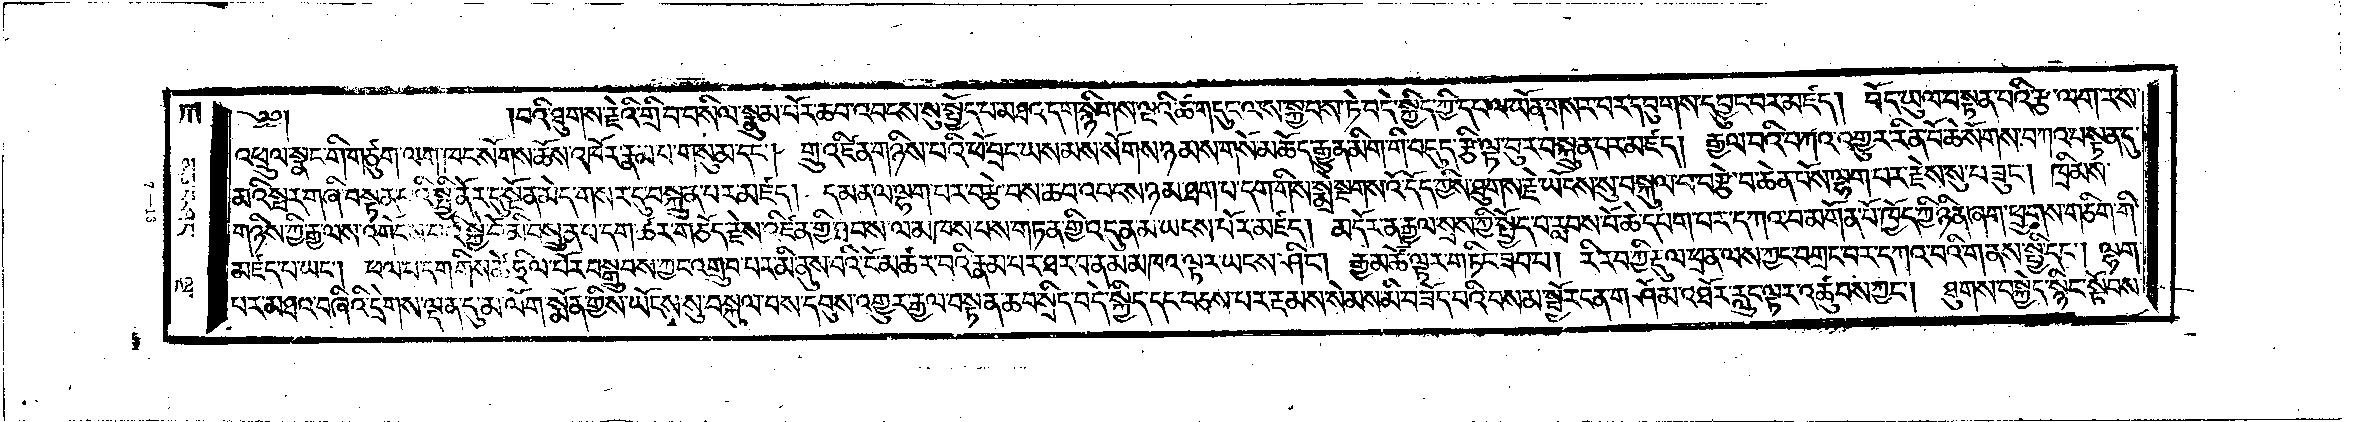༄༅། །བའི་ཐུགས་རྗེའི་གྲིབ་བསིལ་སྣུམ་པོར་ཆབ་འབངས་སུ་སྤྱོད་པ་མཐའ་དག་སྙིགས་ལྔའི་ཚ་གདུང་ལས་སྐྱབས་ཏེ་བདེ་སྐྱིད་ཀྱི་དཔལ་ཡོན་གསར་བར་དབུགས་དབྱུང་བར་མཛད། བོད་ཡུལ་བསྟན་པའི་རྩ་ལག་རས་
འཕྲུལ་སྣང་གི་གཙུག་ལག་ཁང་སོགས་ཆོས་འཁོར་རྣམ་པ་གསུམ་དང་། གྲུ་འཛིན་གཉིས་པའི་ཕོ་བྲང་ཡས་མས་སོགས་ཉམས་གསོ་མཆོད་རྒྱུན་མིག་གི་བདུད་རྩི་ལྟ་བུར་བསྐྲུན་པར་མཛད། རྒྱལ་བའི་བཀའ་འགྱུར་རིན་པོ་ཆེ་སོགས་བཀའ་བསྟན་དུ་
མའི་སྦར་གཞི་བསྟན་པའི་སྤྱི་ནོར་དུ་སྔོན་མེད་གསར་དུ་བསྐྲུན་པར་མཛད། དམན་ལ་ལྷག་པར་བརྩེ་བས་ཆབ་འབངས་ཉམ་ཐག་པ་དག་གིས་སྨྲེ་སྔགས་འོ་དོད་ཀྱིས་ཐུགས་རྗེ་ཡོངས་སུ་བསྐུལ་བ་བརྩེ་བ་ཆེན་པོས་ལྷག་པར་རྗེས་སུ་བཟུང་། ཁྲིམས་
གཉིས་ཀྱི་རྒྱ་ལས་འགོངས་པའི་སྐྱེ་བོ་མི་བསྲུན་པ་དག་ཚར་གཅོད་རྗེས་འཛིན་གྱི་ཐབས་ལ་མཁས་པས་གཏན་གྱི་འདུན་མ་ཡངས་པོར་མཛད། མདོར་ན་རྒྱལ་སྲས་ཀྱི་སྤྱོད་པ་རླབས་པོ་ཆེ་དཔག་པར་དཀའ་བ་མགོན་པོ་ཁྱོད་ཀྱི་ཉིན་ཞག་ཕྲུགས་གཅིག་གི་
མཛད་པ་ཡང་། ཕལ་པ་དག་གིས་ཚེ་ཧྲིལ་པོར་བསྒྲུབས་ཀྱང་འགྲུབ་པར་མི་ནུས་པའི་ངོ་མཚར་བའི་རྣམ་པར་ཐར་པ་ནམ་མཁའ་ལྟར་ཡངས་ཤིང་། རྒྱ་མཚོ་ལྟར་གཏིང་ཟབ་པ། རི་རབ་ཀྱི་རྡུལ་ཕྲན་ལས་ཀྱང་བགྲང་བར་དཀའ་བའི་གནས་སྤྱི་དང་། ལྷག་
པར་མཐའ་བཞིའི་དྲེགས་ལྡན་དུ་མ་ལོག་སྨོན་གྱིས་ཡོངས་སུ་བསྐུལ་བས་དབུས་འགྱུར་རྒྱལ་བསྟན་ཆབ་སྲིད་བདེ་སྐྱིད་དང་བཅས་པར་རྔམས་སེམས་མི་བཟོད་པའི་བསམ་སྦྱོར་ངན་གཤོམ་འཐོར་རླུང་ལྟར་འཚུབས་ཀྱང་། ཐུགས་བསྐྱེད་སྙིང་སྟོབས་